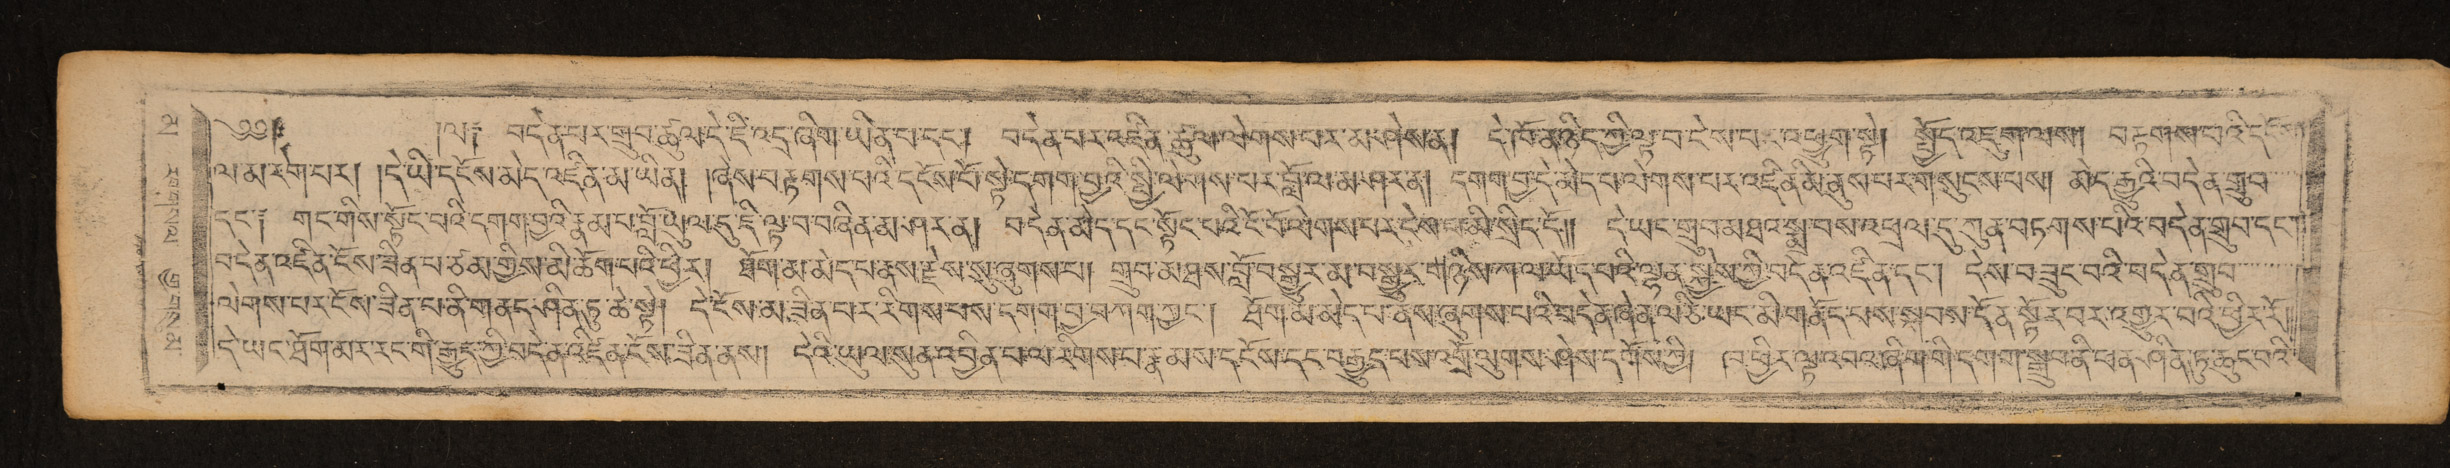༄༅། །ལ༑ བདེན་པར་གྲུབ་ཚུལ་དེ་ཇི་འདྲ་ཞིག་ཡིན་པ་དང་། བདེན་པར་འཛིན་ཚུལ་ལེགས་པར་མ་ཤེས་ན། དེ་ཁོ་ན་ཉིད་ཀྱི་ལྟ་བ་ངེས་པར་འཕྱུག་སྟེ། སྤྱོད་འཇུག་ལས། བརྟགས་པའི་དངོས་
ལ་མ་རེག་པར། །དེ་ཡི་དངོས་མེད་འཛིན་མ་ཡིན། །ཞེས་བརྟགས་པའི་དངོས་པོ་སྟེ་དགག་བྱའི་སྤྱི་ལེགས་པར་བློ་ལ་མ་ཤར་ན། དགག་བྱ་དེ་མེད་པ་ལེགས་པར་འཛིན་མི་ནུས་པར་གསུངས་པས། མེད་རྒྱུའི་བདེན་གྲུབ་
དང༑ གང་གིས་སྟོང་པའི་དགག་བྱའི་རྣམ་པ་བློ་ཡུལ་དུ་ཇི་ལྟ་བ་བཞིན་མ་ཤར་ན། བདེན་མེད་དང་སྟོང་པའི་ངོ་བོ་ལེགས་པར་ངེས་པ་མི་སྲིད་དོ།། དེ་ཡང་གྲུབ་མཐའ་སྨྲ་བས་འཕྲལ་དུ་ཀུན་བརྟགས་པའི་བདེན་གྲུབ་དང་།
བདེན་འཛིན་ངོས་ཟིན་པ་ཙམ་གྱིས་མི་ཆོག་པའི་ཕྱིར། ཐོག་མ་མེད་པ་ནས་རྗེས་སུ་ཞུགས་པ། གྲུབ་མཐས་བློ་བསྒྱུར་མ་བསྒྱུར་གཉིས་ཀ་ལ་ཡོད་པའི་ལྷན་སྐྱེས་ཀྱི་བདེན་འཛིན་དང་། དེས་བཟུང་བའི་བདེན་གྲུབ་
ལེགས་པར་ངོས་ཟིན་པ་ནི་གནད་ཤིན་ཏུ་ཆེ་སྟེ། དེ་ངོས་མ་ཟིན་པར་རིགས་པས་དགག་བྱ་བཀག་ཀྱང་། ཐོག་མ་མེད་པ་ནས་ཞུགས་པའི་བདེན་ཞེན་ལ་ཅི་ཡང་མི་གནོད་པས་སྐབས་དོན་སྟོར་བར་འགྱུར་བའི་ཕྱིར་རོ།།
དེ་ཡང་ཐོག་མར་རང་གི་རྒྱུད་ཀྱི་བདེན་འཛིན་ངོས་ཟིན་ནས། དེའི་ཡུལ་སུན་འབྱིན་པ་ལ་རིགས་པ་རྣམས་དངོས་དང་བརྒྱུད་པས་འགྲོ་ལུགས་ཤེས་དགོས་ཀྱི། ཁ་ཕྱིར་ལྟ་འབའ་ཞིག་གི་དགག་སྒྲུབ་ནི་ཕན་ཤིན་ཏུ་ཆུང་བའི་